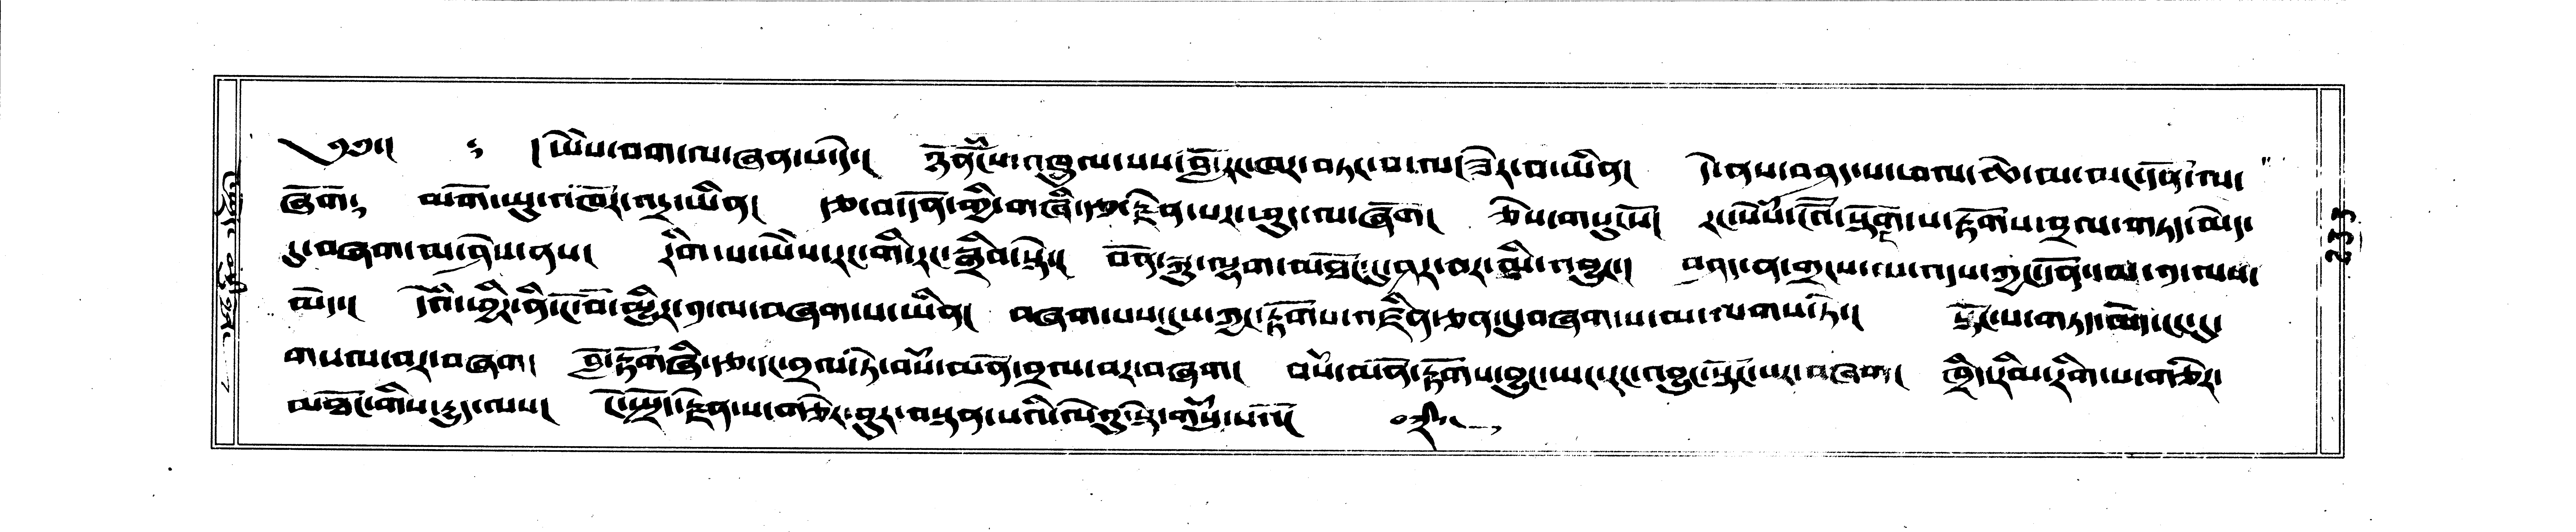ཡེ་ཤེས་བག་ལ་ཞེན་པ་དེ་ནི། ཉོན་མོངས་འཁྲུལ་པའི་བློ་རང་ཁར་བཏང་པ་ལས་ཟེར་བ་ཡིན། དེ་ནས་བཤད་པ་ཕལ་ཆེར་མང་ཡང་དོན་ལ་
མི་ཞོག འགོ་ཡུ་འཁོར་འདྲེ་ཡིན། རྩ་བ་དོན་གྱིས་གཞི་རྩ་རྗེན་པར་ཕུད་ལ་ཞོག ཅེས་གསུངས་སོ། རང་སེམས་ངོའོ་སྟོང་རྟོག་བྲལ་བར་གཏད་མེད་
དུ་བཞག་མ་ཤེས་ན། རིག་པའི་ཡེ་ཤེས་རང་གིས་རང་བསྒྲིབ་སྟེ། བོན་སྐུ་ལྷག་མཐོང་དུ་ཤར་བར་མི་འགྱུར། བཤད་པ་གྲངས་ལས་འདས་ཀྱང་དོན་དམ་གཅིག་ལས་
མེད། དེ་ཕྱིར་ངོའོ་མི་འགྱུར་གཅིག་ལས་བཞག་པ་ཡིན། བཞག་པའི་དུས་ཀྱང་རྟོག་འཛིན་ཅན་དུ་བཞག་པ་མ་ལགས་སྟེ། སྟོང་ལ་གཏན་མེད་ངང་
གསལ་བར་བཞག རྟོག་བློའི་གཞི་དང་བྲལ་ཏེ་བསམ་མནོའ་བྲལ་བར་བཞག རྟོག་བྲལ་ཡང་རང་འབྱུང་སྟོང་པར་བཞག ཁྲིད་རིམ་རིག་པ་གཅེར་
མཐོང་གིས་རྒྱུད་ལས། ངོ་སྤྲོད་རྗེན་གཅེར་དུ་བསྟན་ཏེ། ལེའུ་གསུམ་པའོ།། རྫོགས་སོ། བཀྲ་ཤིས་སོ། དགེའོ།